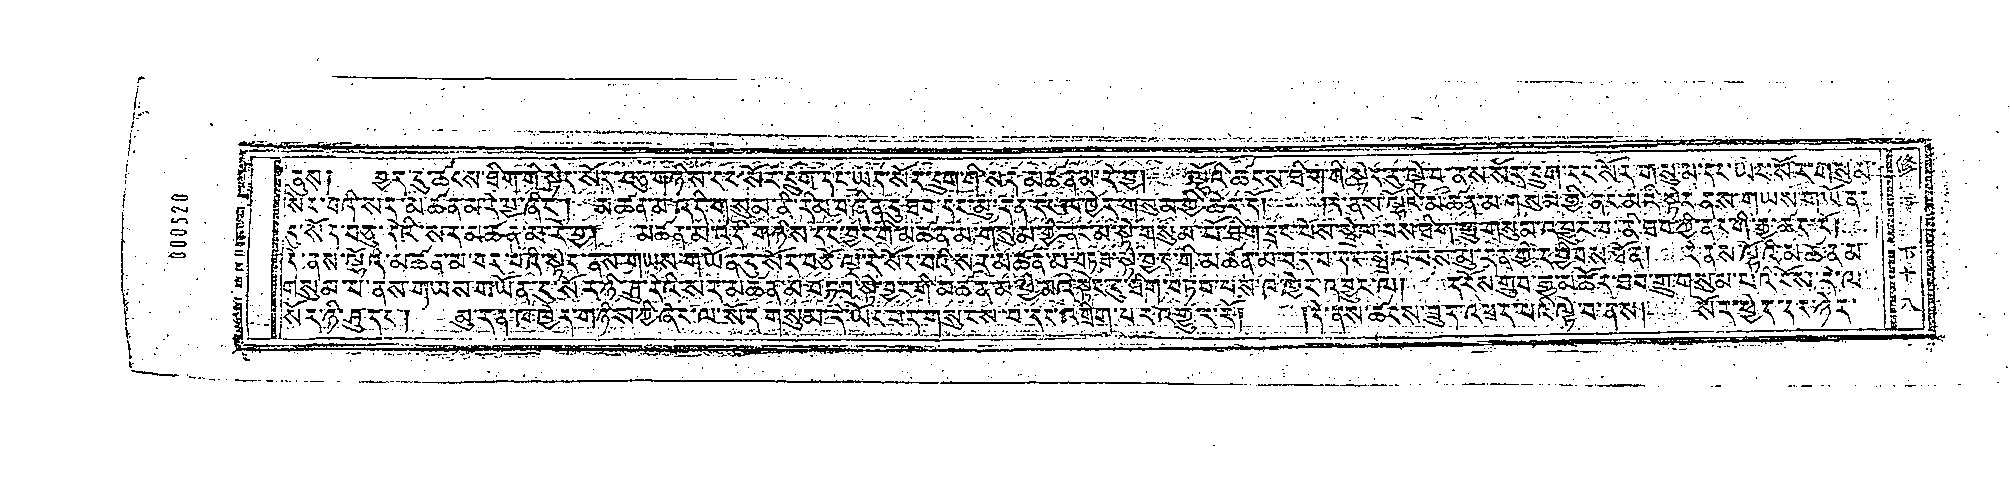ནུས། བྱང་དུ་ཚངས་ཐིག་གི་སྟེང་སོར་བཅུ་གཉིས་དང་སོར་དྲུག་དང་ཡང་སོར་དྲུག་གི་སར་མཚན་མ་རེ་བྱ། ལྷོའི་ཚངས་ཐིག་གི་སྟེང་དུ་ལྟེ་བ་ནས་སོར་དྲུག་དང་སོར་གསུམ་དང་ཡང་སོར་གསུམ་
སོང་བའི་སར་མཚན་མ་རེ་བྱ་ཞིང་། མཚན་མ་འདི་གསུམ་ནི་རིམ་བཞིན་དུ་ཐབ་དང་མུ་རན་དང་ཁ་ཁྱེར་གསུམ་གྱི་ཆེང་ངོ། །དེ་ནས་ལྷོའི་མཚན་མ་གསུམ་གྱི་ནང་མའི་སྟེང་ནས་གཡས་གཡོན་
དུ་སོར་བཅུ་དེའི་སར་མཚན་མ་རེ་བྱ། མཚན་མ་འདི་གཉིས་དང་བྱང་གི་མཚན་མ་གསུམ་གྱི་ནང་མ་སྟེ་གསུམ་པོ་ཐིག་དྲང་པོས་སྤྲེལ་བས་ཐིག་གྲུ་གསུམ་འབྱུང་བ་ནི་ཐབ་ཀྱི་ནང་གི་རྒྱ་ཚད་ངོ། །
དེ་ནས་ལྷོའི་མཚན་མ་བར་པའི་སྟེང་ནས་གཡས་གཡོན་དུ་སོར་བཅོ་ལྔ་རེ་སོང་བའི་སར་མཚན་མ་བཏབ་སྟེ་བྱད་གི་མཚན་མ་བར་པ་དང་སྦྲེལ་བས་མུ་རན་གྱི་དབྱིབས་ཐོན། དེ་ནས་ལྷོའི་མཚན་མ་
གསུམ་པ་ནས་གཡས་གཡོན་དུ་སོར་ཉི་ཤུ་རེའི་སར་མཚན་མ་བཏབ་སྟེ་བྱང་གི་མཚན་མ་ཕྱི་མའི་སྟེང་དུ་ཐིག་བཏབ་པས་ཁ་ཁྱེར་འབྱུང་ལ། དངོས་གྲུབ་རྒྱ་མཚོར་ཐབ་གྲུ་གསུམ་པའི་ངོས་རེ་ལ་
སོར་ཉི་ཤུ་དང་། མུ་རན་ཁ་ཁྱེར་གཉིས་ཀྱི་ཞེང་ལ་སོར་གསུམ་རེ་ཡོང་པར་གསུངས་པ་དང་འགྲིག་པར་འགྱུར་རོ། །དེ་ནས་ཚངས་ཟུར་འཕྲང་པའི་ལྟེ་བ་ནས། སོར་ཕྱེད་དང་ཉེར་